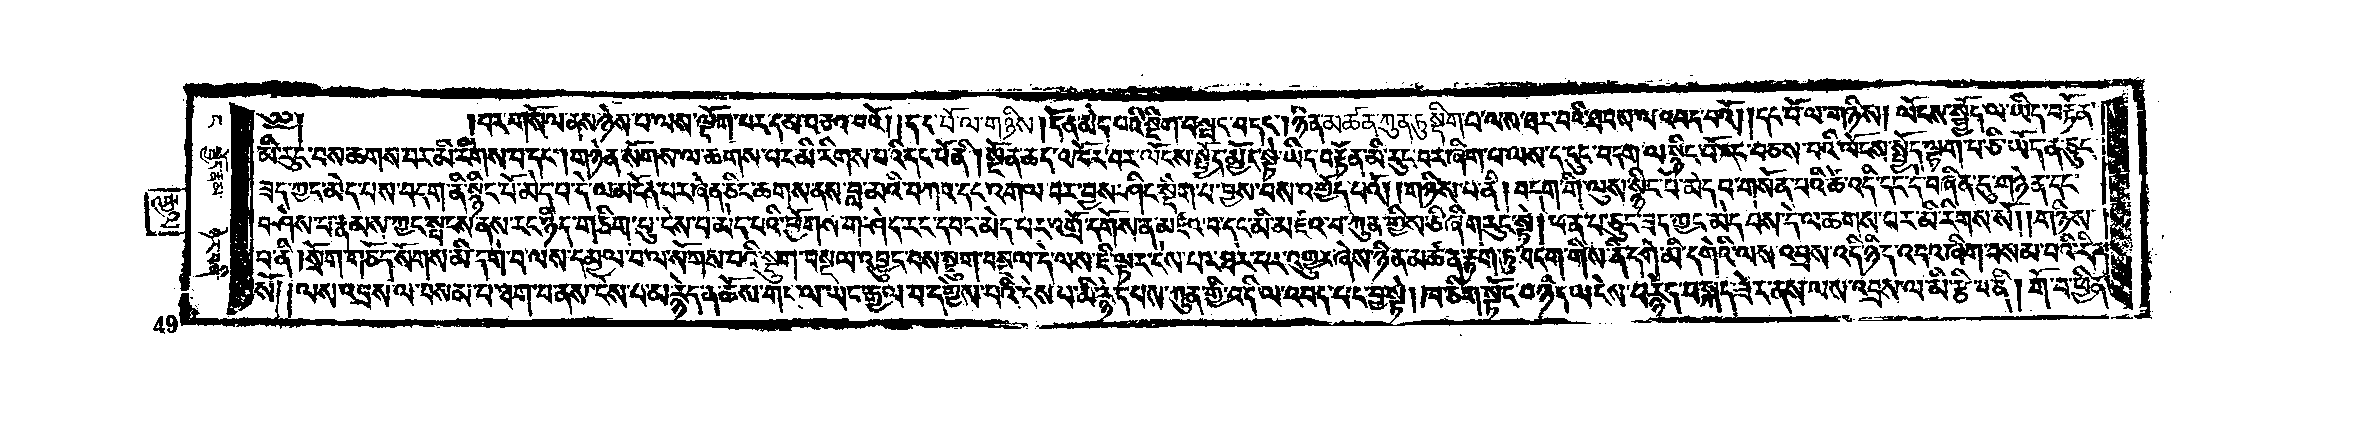༄༅། །པར་གསོལ་ནས་ཉེས་པ་ལས་ལྡོག་པར་དམ་བཅའ་བའོ། །དང་པོ་ལ་གཉིས། དོན་མེད་པའི་སྡིག་པ་སྤང་བ་དང་། ཉིན་མཚན་ཀུན་ཏུ་སྡིག་པ་ལས་ཐར་པའི་ཐབས་ལ་འབད་པའོ། །དང་པོ་ལ་གཉིས། ལོངས་སྤྱོད་ལ་ཡིད་བརྟོན་
མི་རུང་བས་ཆགས་པར་མི་རིགས་པ་དང་། གཉེན་སོགས་ལ་ཆགས་པར་མི་རིགས་པའི་དང་པོ་ནི། སྔོན་ཆད་འཁོར་བར་ལོངས་སྤྱོད་མྱོང་སྟེ་ཡིད་བརྟོན་མི་རུང་བར་ཞིག་པ་ལས་ད་དུང་བདག་ལ་སྙིང་པོ་དང་བཅས་པའི་ལོངས་སྤྱོད་ལྟག་པ་ཅི་ཡོད་ན་ཅུང་
ཟད་ཀྱང་མེད་པས་བདག་ནི་སྙིང་པོ་མེད་པ་དེ་ལ་མངོན་པར་ཞེན་ཅིང་ཆགས་ནས་བླ་མའི་བཀའ་དང་འགལ་བར་བྱས་ཤིང་སྡིག་པ་བྱས་པས་འགྱོད་པའོ། །གཉིས་པ་ནི། བདག་གི་ལུས་སྙིང་པོ་མེད་པ་གསོན་པའི་ཚེ་འདི་དང་དེ་བཞིན་དུ་གཉེན་དང་
བཤེས་པ་རྣམས་ཀྱང་སྤངས་ནས་རང་ཉིད་གཅིག་པུ་ངེས་པ་མེད་པའི་ཕྱོགས་གཤེད་རང་དབང་མེད་པར་འགྲོ་དགོས་ན་མཛའ་བ་དང་མི་མཛའ་བ་ཀུན་གྱིས་ཅི་ཞིག་རུང་སྟེ། ཕན་པ་ཅུང་ཟད་ཀྱང་མེད་པས་དེ་ལ་ཆགས་པར་མི་རིགས་སོ། །གཉིས་
པ་ནི། སྲོག་གཅོད་སོགས་མི་དགེ་བ་ལས་དམྱལ་བ་ལ་སོགས་པའི་སྡུག་བསྔལ་འབྱུང་བས་སྡུག་བསྔལ་དེ་ལས་ཇི་ལྟར་ངེས་པར་ཐར་པར་འགྱུར་ཞེས་ཉིན་མཚན་རྟག་ཏུ་བདག་གིས་ནི་དགེ་མི་དགེའི་ལས་འབྲས་འདི་ཉིད་འབའ་ཞིག་བསམ་པའི་རིགས་
སོ༑ ༑ལས་འབྲས་ལ་བསམ་པ་ཐག་པ་ནས་ངེས་པ་མ་རྙེད་ན་ཆོས་གང་ལ་ཡང་རྒྱལ་བ་དགྱེས་པའི་ངེས་པ་མི་རྙེད་པས་ཀུན་གྱི་འདི་ལ་འབད་པར་བྱ་སྟེ། ཁ་ཅིག་སྟོང་པ་ཉིད་ལ་ངེས་པ་རྙེད་པ་སྐད་ཟེར་ནས་ལས་འབྲས་ལ་མི་རྩི་པ་ནི། གོ་བ་ཕྱིན་